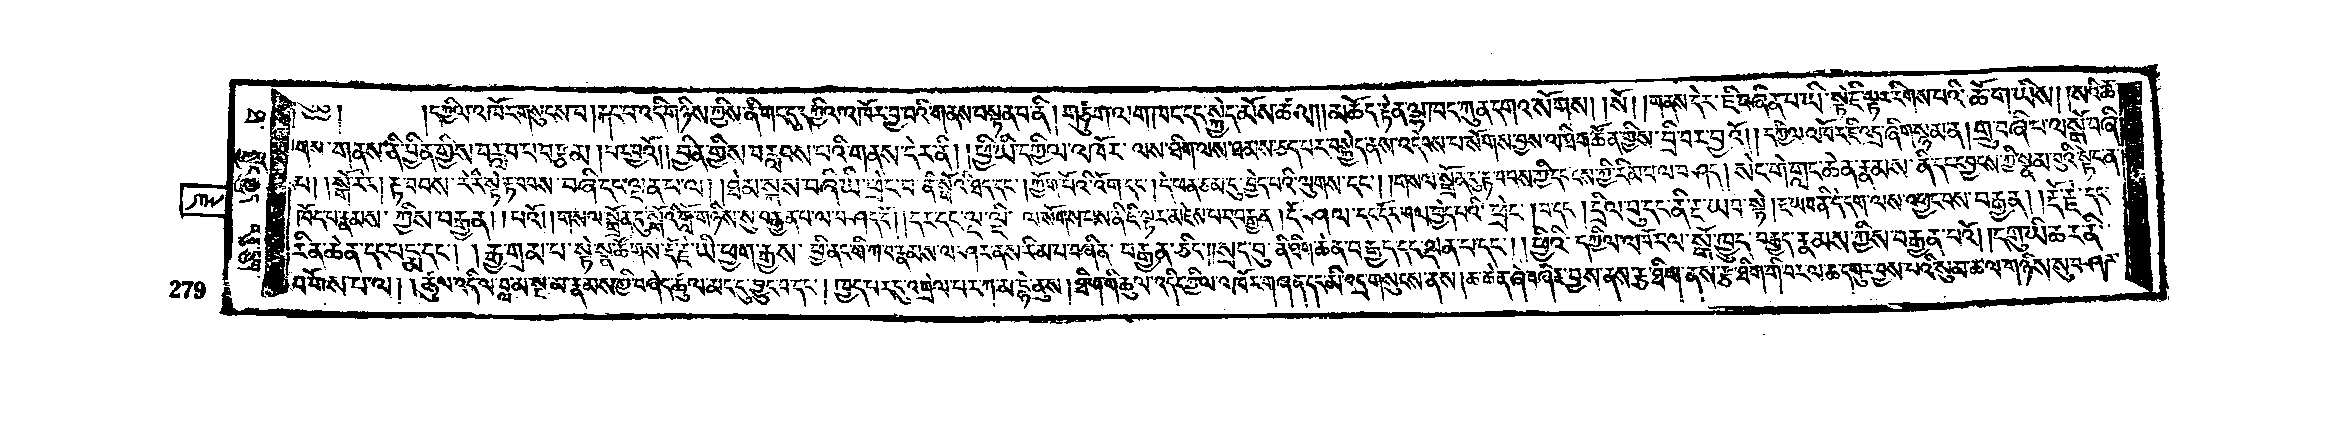༄༅། །དཀྱིལ་འཁོར་གསུངས་པ། རྐང་པ་འདི་གཉིས་ཀྱིས་ནི་གང་དུ་དཀྱིལ་འཁོར་བྱ་བའི་གནས་བསྟན་པ་ནི། གཙུག་ལག་ཁང་དང་སྐྱེད་མོས་ཚལ། །མཆོད་རྟེན་ལྷ་ཁང་ཀུན་དགའ་སོགས། །སོ། །གནས་དེར་ཇི་བཞིན་པ་ཡི་སྟེ་ཇི་ལྟར་རིགས་པའི་ཚིག་ཡིས། །སའི་ཆོ་
གས་གནས་ནི་བྱིན་གྱིས་བརླབ་པ་བརྩམ། པར་བྱའོ།  །བྱིན་གྱིས་བརླབས་པའི་གནས་དེར་ནི། །ཕྱི་ཡི་དཀྱིལ་འཁོར་ལས་ཐིག་ལས་ཐམས་ཅད་པར་བསྐྱེད་ནས་འདེབས་པ་སོགས་བྱས་ལ་ཐིག་ཚོན་གྱིས་བྲི་བར་བྱའོ། །དཀྱིལ་འཁོར་ཇི་འདྲ་ཞིག་སྙམ་ན།  གྲུ་བཞི་པ་ལ་སྒོ་བཞི་
པ། །སྒོ་རེར། རྟ་བབས་རེ་རེ་སྟེ་རྟ་བབས་བཞི་དང་ལྡན་པ་ལ། །ཐེམ་སྐས་བཞི་ཡི་ཕྲེང་བ་ནི་སྒོའི་ཐད་དང་། ཀྱོག་པོའི་འོག་དང་། དེ་ཕན་ཙམ་དུ་བྱེད་པའི་ལུགས་དང་། །གསལ་སྒྲོན་དུ་རྟ་བབས་ཀྱི་དང་ངེས་ཀྱི་རིམ་པ་ལ་བཤད།  སེང་གེ་གླང་ཆེན་རྣམས་ནི་དང་དབྱངས་ཀྱི་སྣམ་བུའི་སྟེང་ན་
ཁོང་པ་རྣམས་ཀྱིས་བརྒྱན། །པའོ། །གསལ་སྒྲོན་དུ་སྒོའི་གློ་གཉིས་སུ་བརྒྱན་པ་ལ་བཤད་དོ།  །དར་དང་ལྡ་ལྡི་ལ་སོགས་པས་ནི་ཇི་ལྟར་མཛེས་པར་བརྒྱན།  དོ་ཤལ་དང་དོར་ཤལ་ཕྱེད་པའི་ཕྲེང་། བ་དང་།  དྲིལ་བུ་དང་ནི་རྔ་ཡབ་སྟེ། རྔ་ཡབ་ནི་དེ་དག་ལས་འཕྱང་བས་བརྒྱན། །རྡོ་རྗེ་དང་
རིན་ཆེན་དང་པདམ་དང་། །རྒྱ་གྲམ་པ་སྟེ་སྣ་ཚོགས་རྡོ་རྗེ་ཡི་ཕྱག་རྒྱས་ཕྱི་ནང་གི་ཀ་བ་རྣམས་ལ་ཤར་ནས་རིམ་པ་བཞིན་བརྒྱན་ཅིང་། །སྲད་བུ་ནི་ཐིག་ཆེན་བརྒྱད་དང་ལྡན་པ་དང་། །ཕྱིའི་དཀྱིལ་འཁོར་ལ་སྒོ་ཁྱུད་བརྒྱད་རྣམས་ཀྱིས་བརྒྱན་པའོ། །དགུ་ཡི་ཆར་ནི་
བགོས་པ་ལ། །ཚུལ་འདི་ལ་བླ་མ་སྔ་མ་རྣམས་ཀྱི་བཞེད་ཚུལ་མང་དུ་བྱུང་བ་དང་། ཁྱད་པར་དུ་འགྲེལ་པར་ཀ་མ་དྷེ་ནུས། ཐིག་གི་ཚུལ་འདིར་དཀྱིལ་འཁོར་གཞན་དང་མི་འདྲ་གསུངས་ནས། ཆ་ཆེན་ཞེ་བཞིར་བྱས་ནས་རྩ་ཐིག་ནས་རྩ་ཐིག་གི་བར་ལ་ཆ་དབུར་བྱས་པའི་སུམ་ཆ་ལ་གཉིས་སུ་བཤགས་